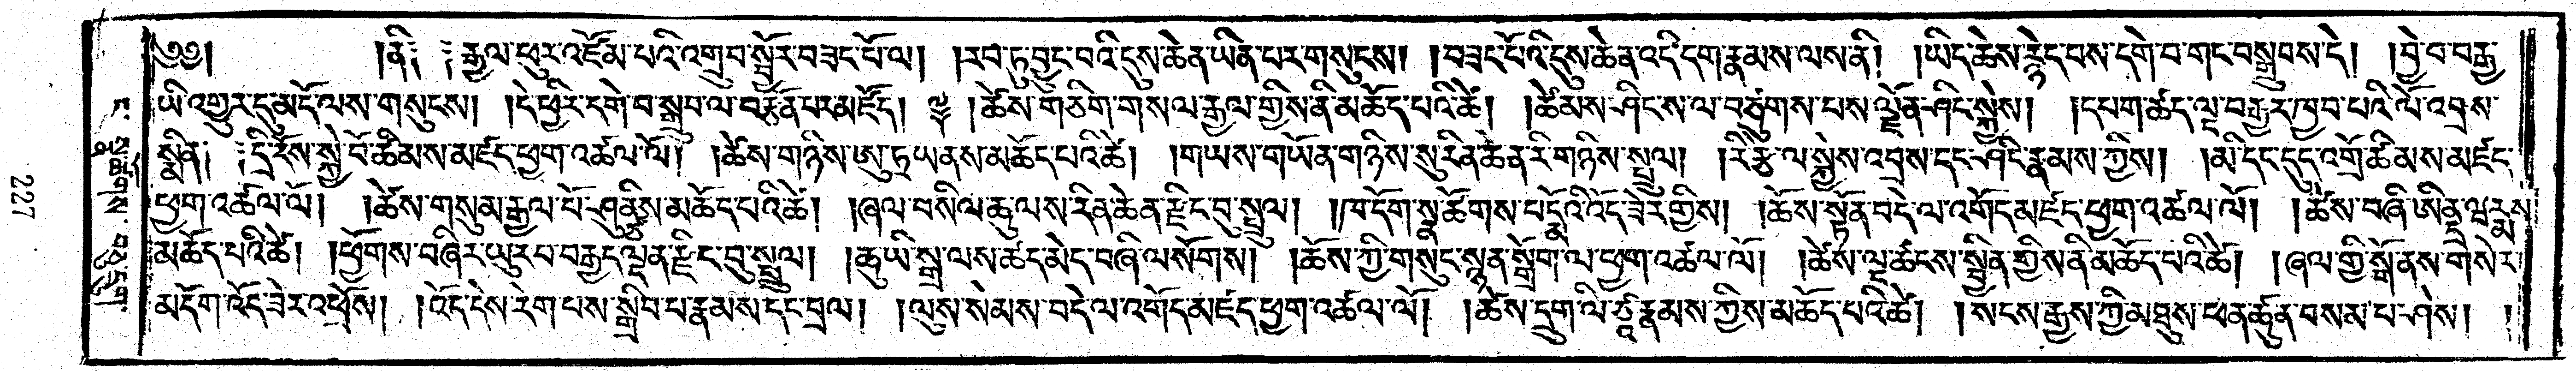༄༅། །ནི༑ ༑རྒྱལ་ཕུར་འཛོམ་པའི་འགྲུབ་སྦྱོར་བཟང་པོ་ལ། །རབ་ཏུ་བྱུང་བའི་དུས་ཆེན་ཡིན་པར་གསུངས། །བཟང་པོའི་དུས་ཆེན་འདི་དག་རྣམས་ལས་ནི། །ཡིད་ཆེས་རྙེད་པས་དགེ་བ་གང་བསྒྲུབས་དེ། །བྱེ་བ་བརྒྱ་
ཡི་འགྱུར་དུ་མདོ་ལས་གསུངས། །དེ་ཕྱིར་དགེ་བ་སྒྲུབ་ལ་བརྩོན་པར་མཛོད། ༈ །ཚེས་གཅིག་གསལ་རྒྱལ་གྱིས་ནི་མཆོད་པའི་ཚེ། །ཚེམས་ཤིང་ས་ལ་བཙུགས་པས་ལྗོན་ཤིང་སྐྱེས། །དཔག་ཚད་ལྔ་བརྒྱར་ཁྱབ་པའི་ལོ་འབྲས་
སྨིན༑ ༑དྲི་ངོས་སྐྱེ་བོ་ཚིམས་མཛད་ཕྱག་འཚལ་ལོ། །ཚེས་གཉིས་ཨུ་ཏྲ་ཡ་ནས་མཆོད་པའི་ཚེ། །གཡས་གཡོན་གཉིས་སུ་རིན་ཆེན་རི་གཉིས་སྤྲུལ། །རི་རྩེ་ལ་སྐྱེས་འབྲས་དང་ཤིང་རྣམས་ཀྱིས། །མི་དང་དུད་འགྲོ་ཚིམས་མཛད་
ཕྱག་འཚལ་ལོ། །ཚེས་གསུམ་རྒྱལ་པོ་ཤུནྩིས་མཆོད་པའི་ཚེ། །ཞལ་བསིལ་ཆུ་ལས་རིན་ཆེན་རྫིང་བུ་སྤྲུལ། །ཁ་དོག་སྣ་ཚོགས་པདམོའི་འོད་ཟེར་གྱིས། །ཆོས་སྟོན་བདེ་ལ་འགོད་མཛད་ཕྱག་འཚལ་ལོ། །ཚེས་བཞི་ཨིནྡྲ་ཝརྨས་
མཆོད་པའི་ཚེ། །ཕྱོགས་བཞིར་ཡུ་རབ་བརྒྱད་ལྡན་རྫིང་བུ་སྤྲུལ། །ཆུ་ཡི་སྒྲ་ལས་ཚད་མེད་བཞི་ལ་སོགས། །ཆོས་ཀྱི་གསུང་སྙན་སྒྲོག་ལ་ཕྱག་འཚལ་ལོ། །ཚེས་ལྔ་ཚངས་སྦྱིན་གྱིས་ནི་མཆོད་པའི་ཚེ། །ཞལ་གྱི་སྒོ་ནས་གསེར་
མདོག་འོད་ཟེར་འཕྲོས། །འོད་དེས་རེག་པས་སྒྲིབ་པ་རྣམས་དང་བྲལ། །ལུས་སེམས་བདེ་ལ་འགོད་མཛད་ཕྱག་འཚལ་ལོ། །ཚེས་དྲུག་ལི་ཙཱ་རྣམས་ཀྱིས་མཆོད་པའི་ཚེ། །སངས་རྒྱས་ཀྱི་མཐུས་ཕན་ཚུན་བསམ་པ་ཤེས། །